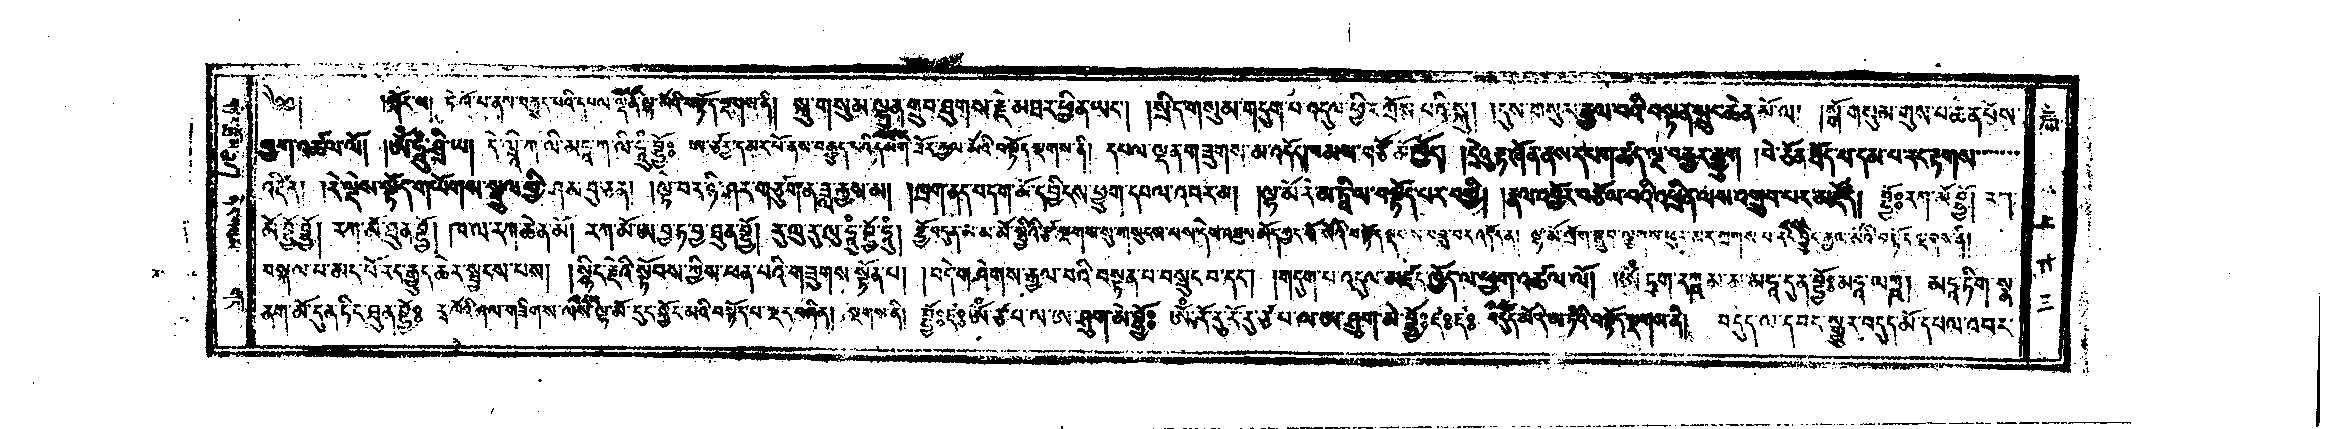༄༅། །སྐོར་ལ། ཏེ་ལོ་པ་ནས་བརྒྱུད་པའི་དཔལ་ལྡན༢༨༡་ལྷ་མོའི་བསྟོད་སྔགས་ནི། སྐུ་གསུམ་ལྷུན་གྲུབ་ཐུགས་རྗེ་མཐར་ཕྱིན་ཡང་། །སྲིད་གསུམ་གདུག་པ་འདུལ་ཕྱིར་ཁྲོས་པའི་སྐུ། །དུས་གསུམ་རྒྱལ་བའི་བསྟན་སྲུང་ཆེན་མོ་ལ། །སྒོ་གསུམ་གུས་པ་ཆེན་པོས་
ཕྱག་འཚལ་ལོ། །ཨོཾ་ཧཱུཾ་ཤྲི་ཡ། དེ་ཝཱི་ཀ་ལི་མཧཱ་ཀ་ལི་ཧཱུཾ་བྷྱོཿ ཨ་ཙརྱ་དམར་པོ་ནས་བརྒྱུད་པའི་དམག༢༨༣་ཟོར་རྒྱལ་མོའི་བསྟོད་སྔགས་ནི། དཔལ་ལྡན་གཟུགས་མ་འདོད་ཁམས་གཙོ་མོ་ཁྱོད། །དྲེའུ་རྟ་ཞོན་ནས་དཔག་ཚད་ལྔ་བརྒྱར་རྒྱུག །བེ་ཅོན་ཐོད་པ་དམ་པ་རང་རྟགས་
འཛིན། །རེ་ལྡེས་སྟོད་གཡོགས་སྦྲུལ་གྱི་ཤམ་བུ་ཅན། །ལྟེ་བར་ཉི་ཤར་གཙུག་ན་ཟླ་རྒྱས་མ། །ཁྲག་ནད་བདག་མོ་དབྱིངས་ཕྱུག་དཔལ་འབར་མ། །ལྷ་མོ་རེ་མ་ཏཱི་ལ་བསྟོད་པར་བགྱི། །རྣལ་འབྱོར་བཅོལ་བའི་འཕྲིན་ལས་འགྲུབ་པར་མཛོད། བྷྱོཿརཀ་མོ་བྷྱོ། རཀ་
མོ་བྷྱོ་བྷྱོ། རཀ་མོ་ཐུན་བྷྱོ། ཁ་ལ་རཀ་ཆེན་མོ། རཀ་མོ་ཨ་བྱ་ཏ་བྱ་ཐུན་བྷྱོ། རུ་ལུ་རུ་ལུ་ཧཱུཾ་བྷྱོ་ཧཱུཾ། བྷྱོ་བདུན་མ་མ་མོ་སྤྱིའི་རྩ་སྔགས་སུ་གསུངས་པས་དེས་འཐུས་མོད་ཀྱང་སོ་སོའི་བསྟོད་སྔགས་བཟླ་བར་འདོད་ན། ལྷ་མོ་སྲོག་སྒྲུབ་ལྕགས་ཕུར་མར་གྲགས་པ་རང༢༨༤་བྱུང་རྒྱལ་མོའི་བསྟོད་སྔགས་ནི།
བསྐལ་པ་མང་པོ་རང་རྒྱུད་ཆེར་སྦྱངས་པས། །སྙིང་རྗེའི་སྟོབས་ཀྱིས་ཕན་པའི་གཟུགས་སྟོན་པ། །བདེ་གཤེགས་རྒྱལ་བའི་བསྟན་པ་བསྲུང་བ་དང་། །གདུག་པ་འདུལ་མཛད་ཁྱོད་ལ་ཕྱག་འཚལ་ལོ། །ཨོཾ་ཏྲག་རཀྵ་མ་མ་མཧཱ་དུན་བྷྱོཿམཧཱ་ཡཀྵ། མཧཱ་ཏིག་སྣ་
ནག་མོ་དུན་ཏིང་ཐུན་བྷྱོཿ རྭ་ལོའི་ཞལ་གཟིགས་ལས༢༨༥་ལྷ་མོ་དུད་སྐྱོང་མའི་བསྟོད་པ་སྔར་བཞིན། སྔགས་ནི། བྷྱོཿཛཿཨོཾ་ཙ་པ་ལ་ཨ་ཤུག་མེ་བྷྱོཿ ཨོཾ་རོ་རུ་རོ་རུ་ཙ་པ་ལ་ཨ་ཤུག་མེ་བྷྱོཿཛཿཛཿ བདྲད?༢༨༦་མོ་རེ་མ་ཏིའི་བསྟོད་སྔགས་ནི། བདུད་ལ་དབང་སྒྱུར་བདུད་མོ་དཔལ་འབར་